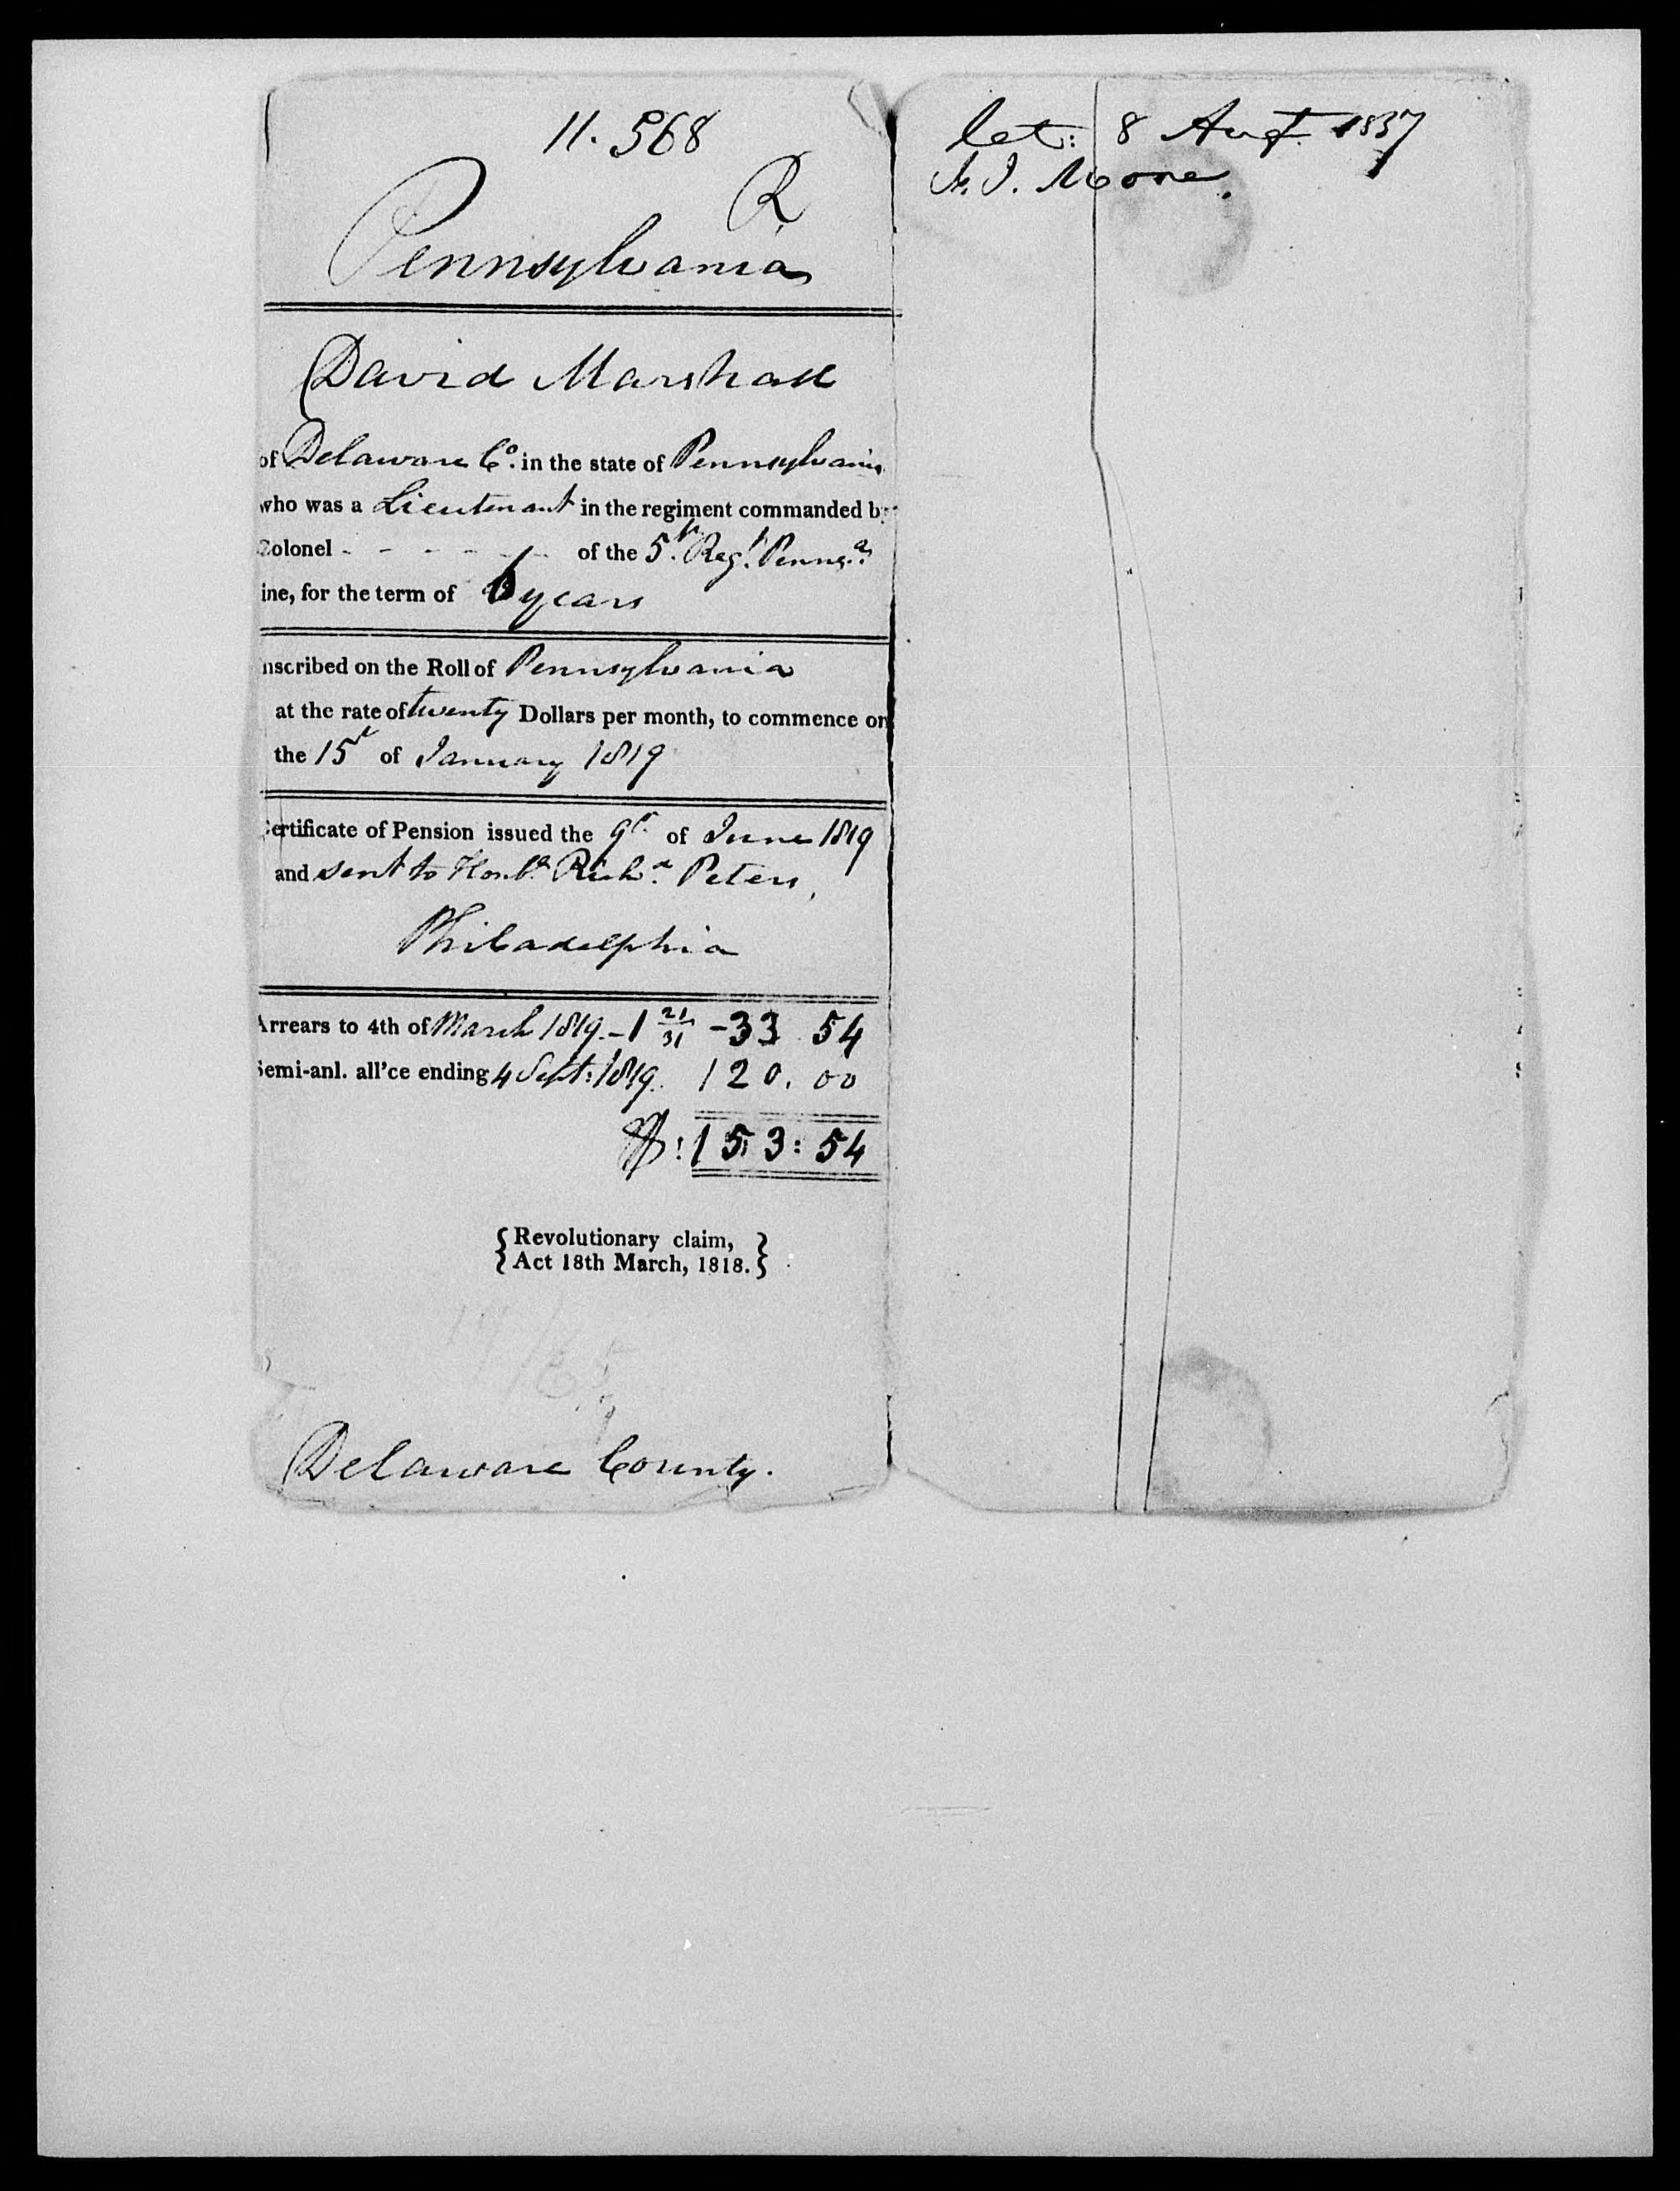11.568
R.

Pennsylvania

David Marshall
of Delaware Co. in the state of Pennsylvania
who was a Lieutenant in the regiment commanded by
Colonel ------ of the 5th Regt. Penns.
line for the term of 6 years

Inscribed on the Roll of Pennsylvania
at the rate of twenty Dollars per month, to commence on
the 15th of January 1819

Certificate of Pension issued the 9th of June 1819
and sent to Honbl. Richd. Peters, 
Philadelphia

Arrears to 4th of March 1819. - 1 21/31
Semi-anl all'ce ending 4 Sept: 1819.

-33.54
120.00
$153:54

{Revolutionary claim, 
Act 18th March, 1818.}

Delaware County. 

let: 8 Augst. 1837
?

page: 2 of 86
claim: widow's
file: W. 3571, for David Marshall, Pennsylvania